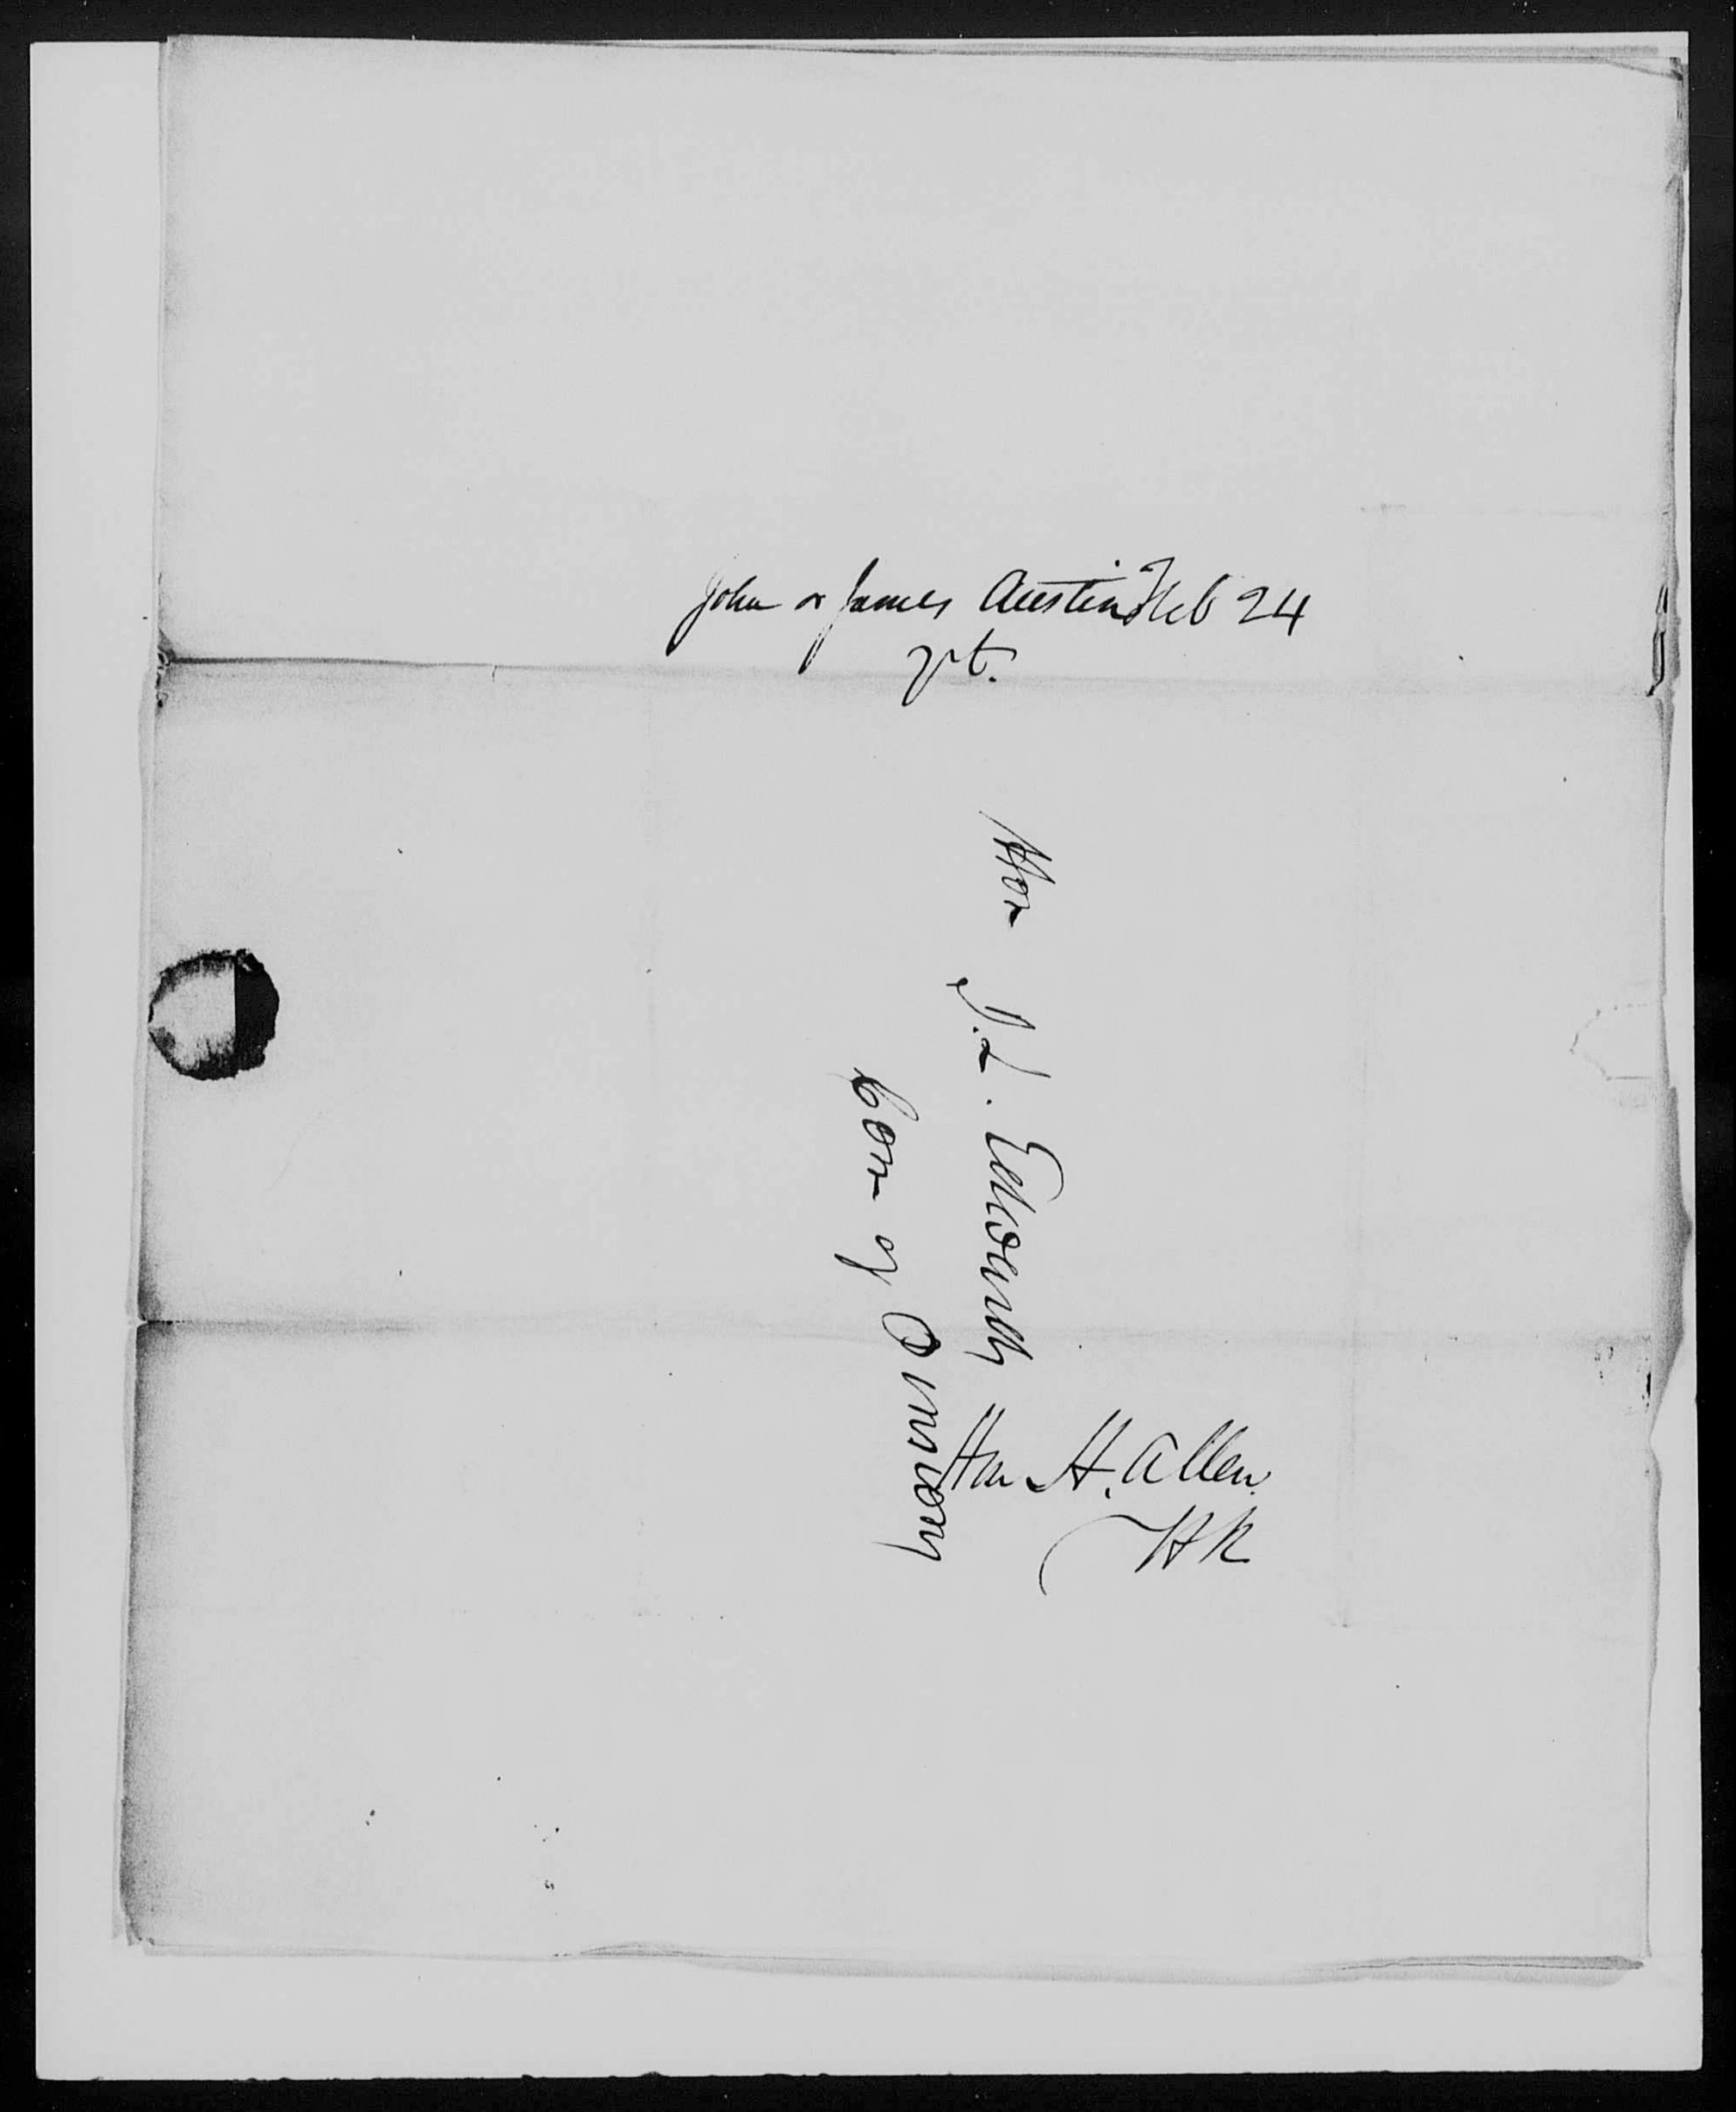John or James Austin Feb 24
Vt.

[rotate page]
Hon. J. L. Edwards
Com of Pensions

Ho H. Allen
HR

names: James Austin, John Austin, H Allen, J L Edwards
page: 95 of 100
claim: survivor's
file: S 19186, James Austin, Conn. New York R.I.